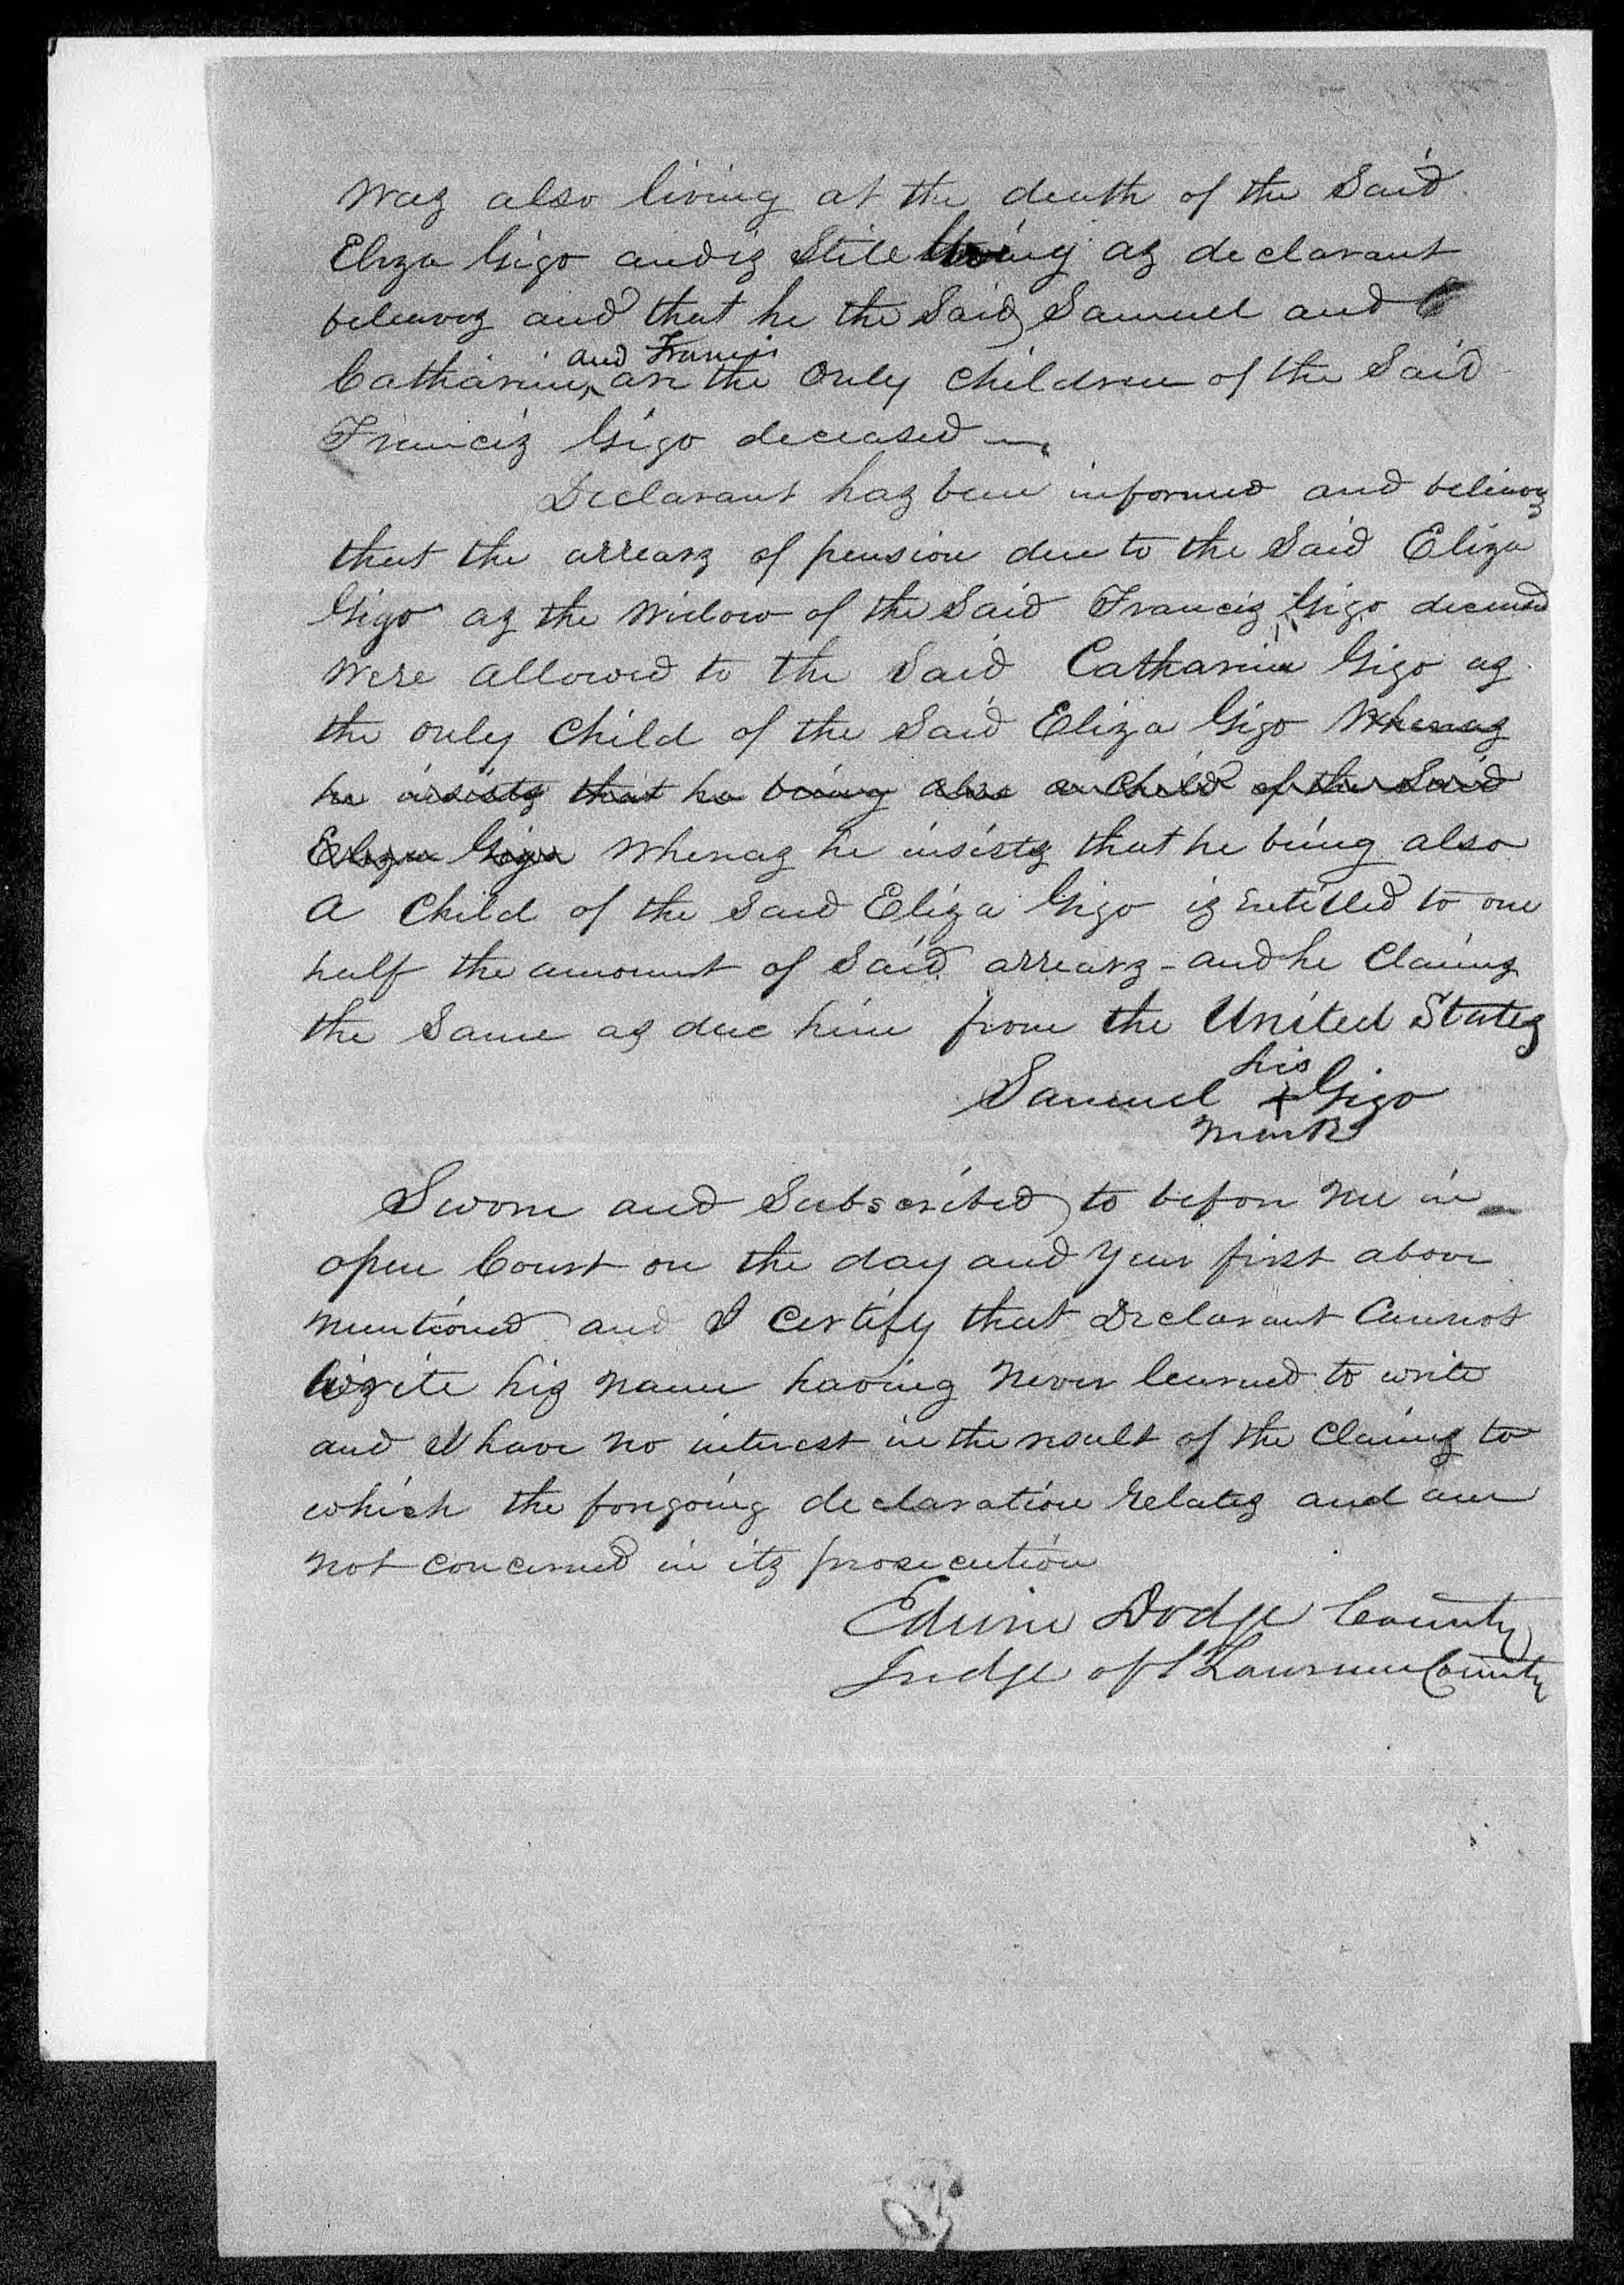waz also living at the death of the said Eliza Gigo and iz siill living az declarant believes and that he the said Samuel and Catharine and Francis are the only children of the said Francis Gigo deceased.
Declarant  haz been informed and believes that the arrearz of pension due to the said Eliza Gigo az the widow of the said Francis Gigo deceaed were allowed to the said Catharine Gigo az the only child of the said Eliza Gigo   Wherez he insistz that he being also a child of the said Eliza Gigo whereaz he insistz the he being also a child of the said Eliza Gigo is entitled to one half the amount of said arrearz - and he claiming the same as due him from the United Statez
Samuel (x his mark) Gigo

Sworn and subscribed to before me in open Court on the day and year first above mentioned and I certify that declarant cannot write his name having never learned to write and I have no interest in the result of the claiming to which the foregoing declaration relates and are not concerned in itz prosecution
Edwin Dodge   
County Judge of S Lawrence County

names: Eliza Gigo, Samuel, Samuel Gigo, Francis Gigo, Francis Gigo, Francis, Edwin Dodge, Eliza Gigo, Eliza Gigo, Eliza Gigo, Eliza Gigo, Catharine, Catharine Gigo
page: 8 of 98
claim: widow's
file: W. 21182, Francis Gigo, Continental (Canadian)